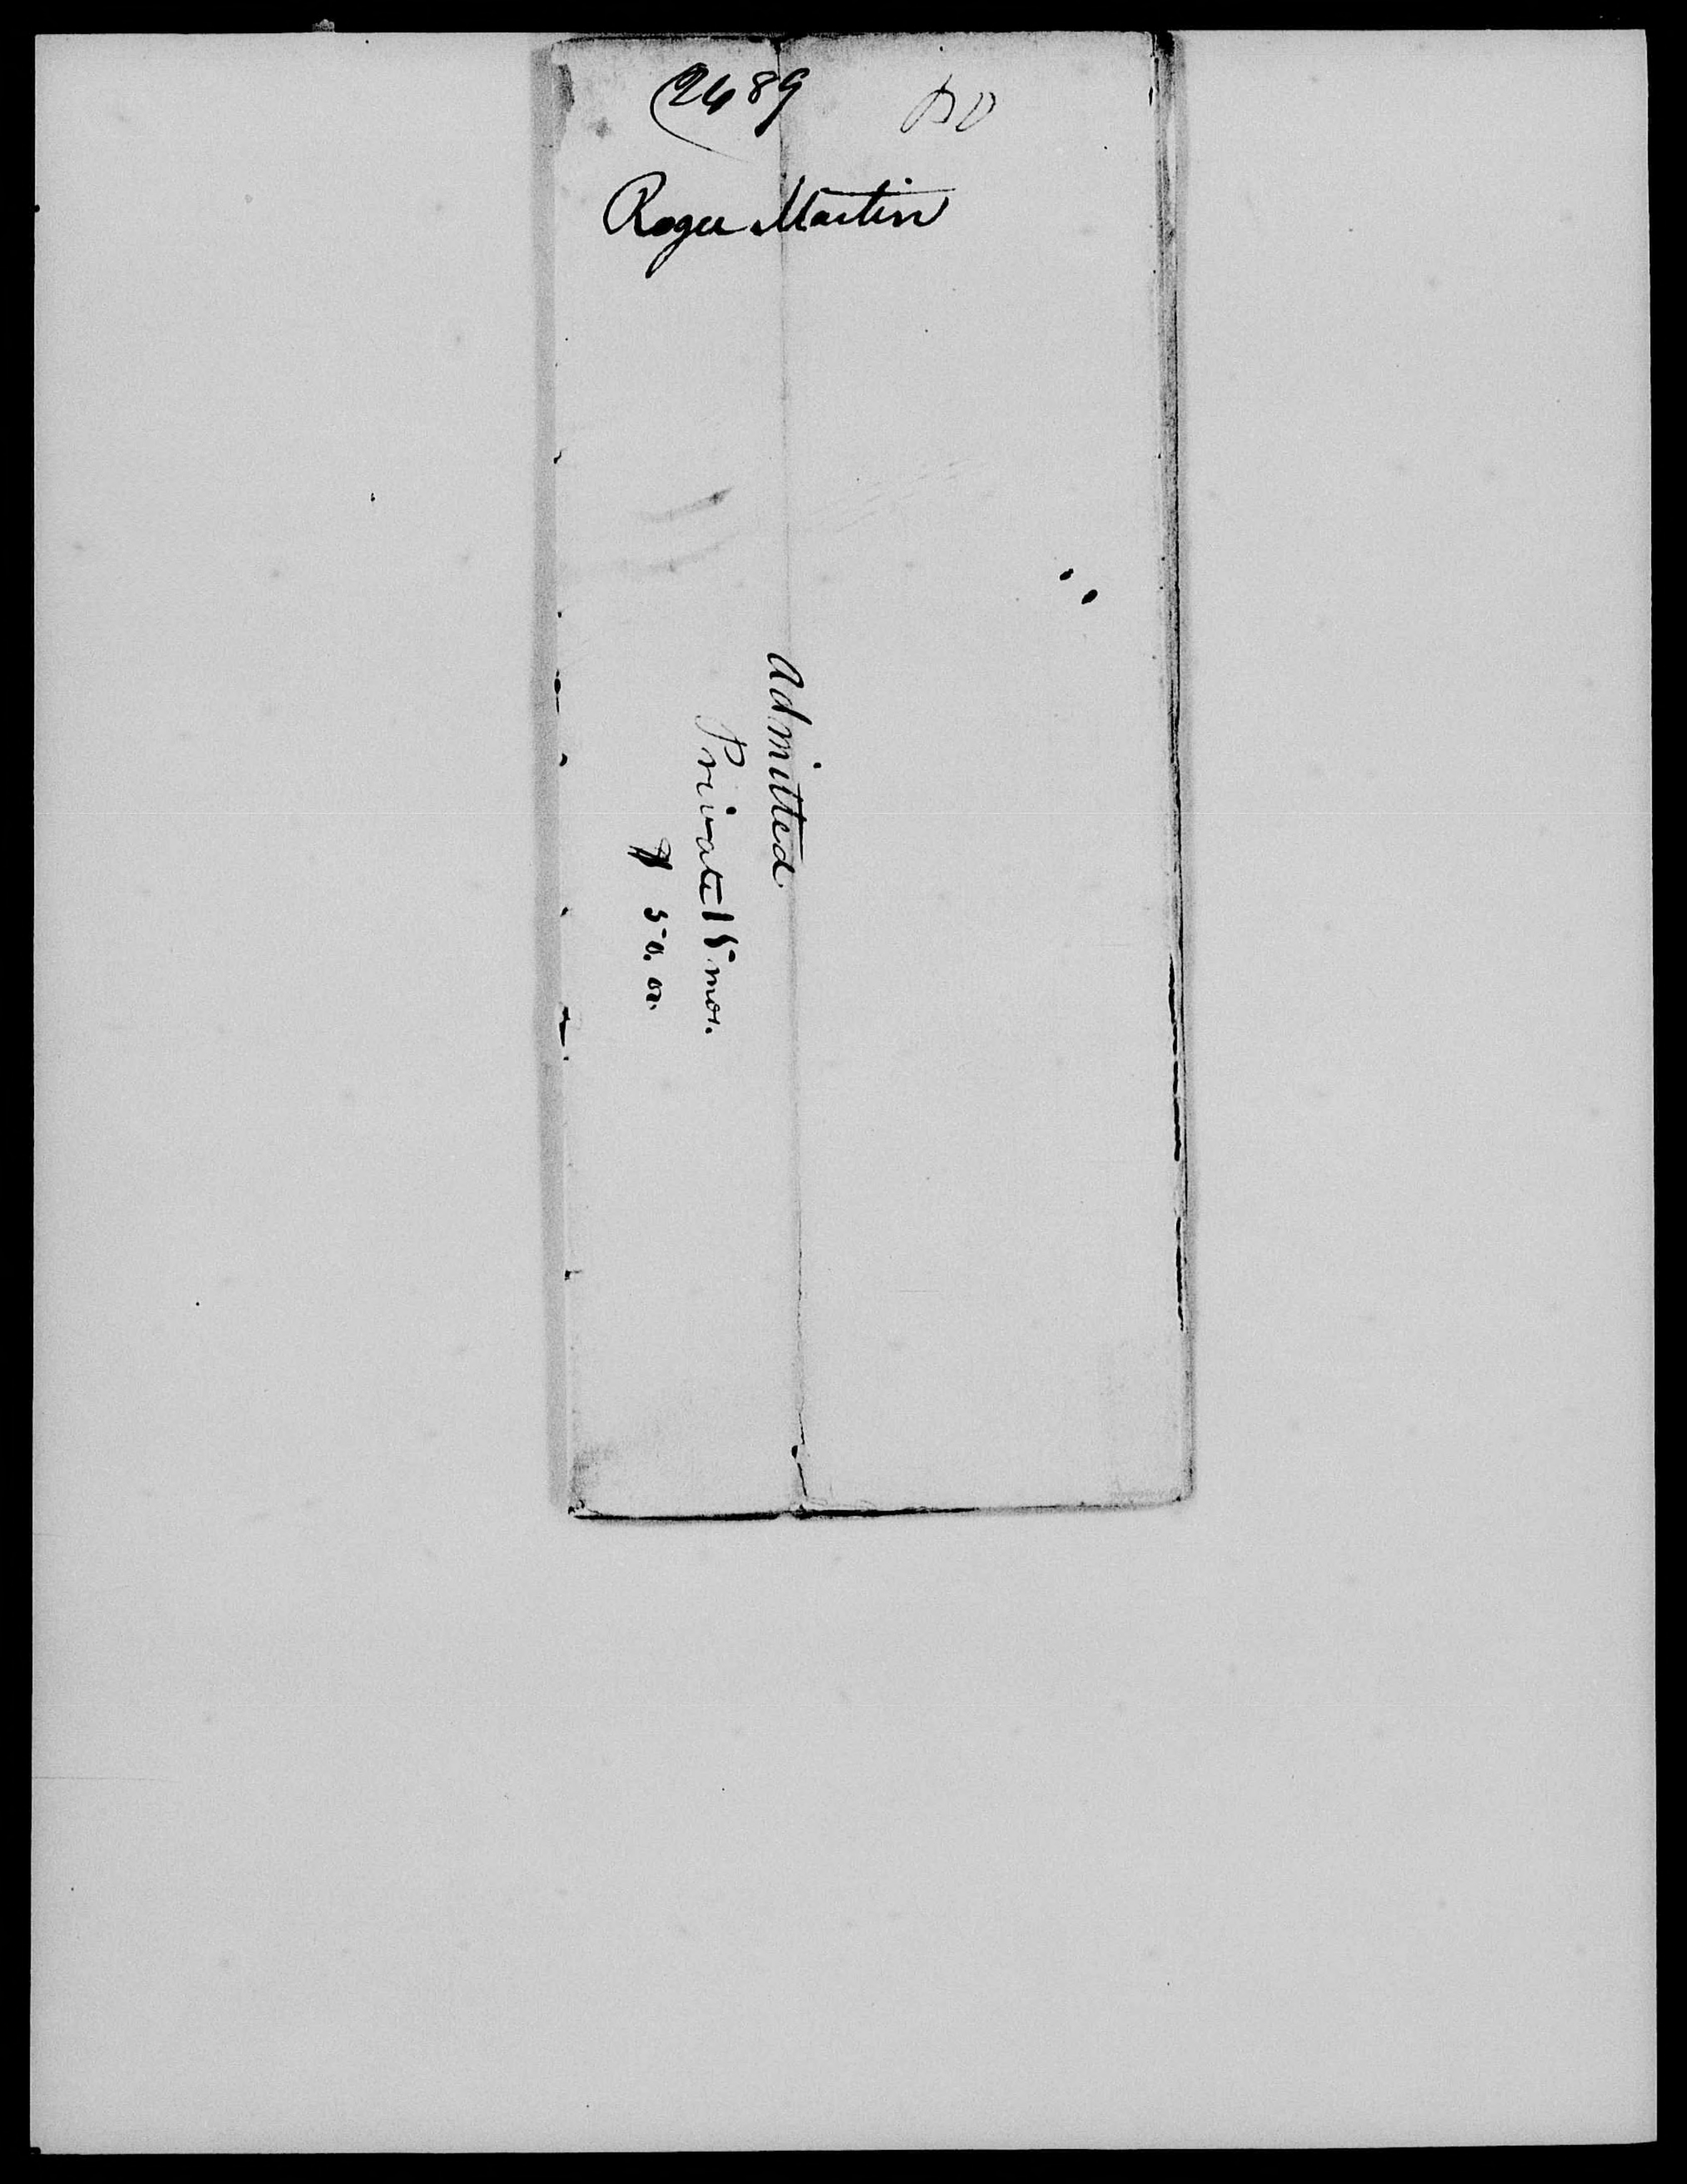2689

Roger Martin


Admitted 

Private 

15 months

$50.00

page: 8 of 12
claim: survivor's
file: S. 2733, for Roger Martin, Pennsylvania